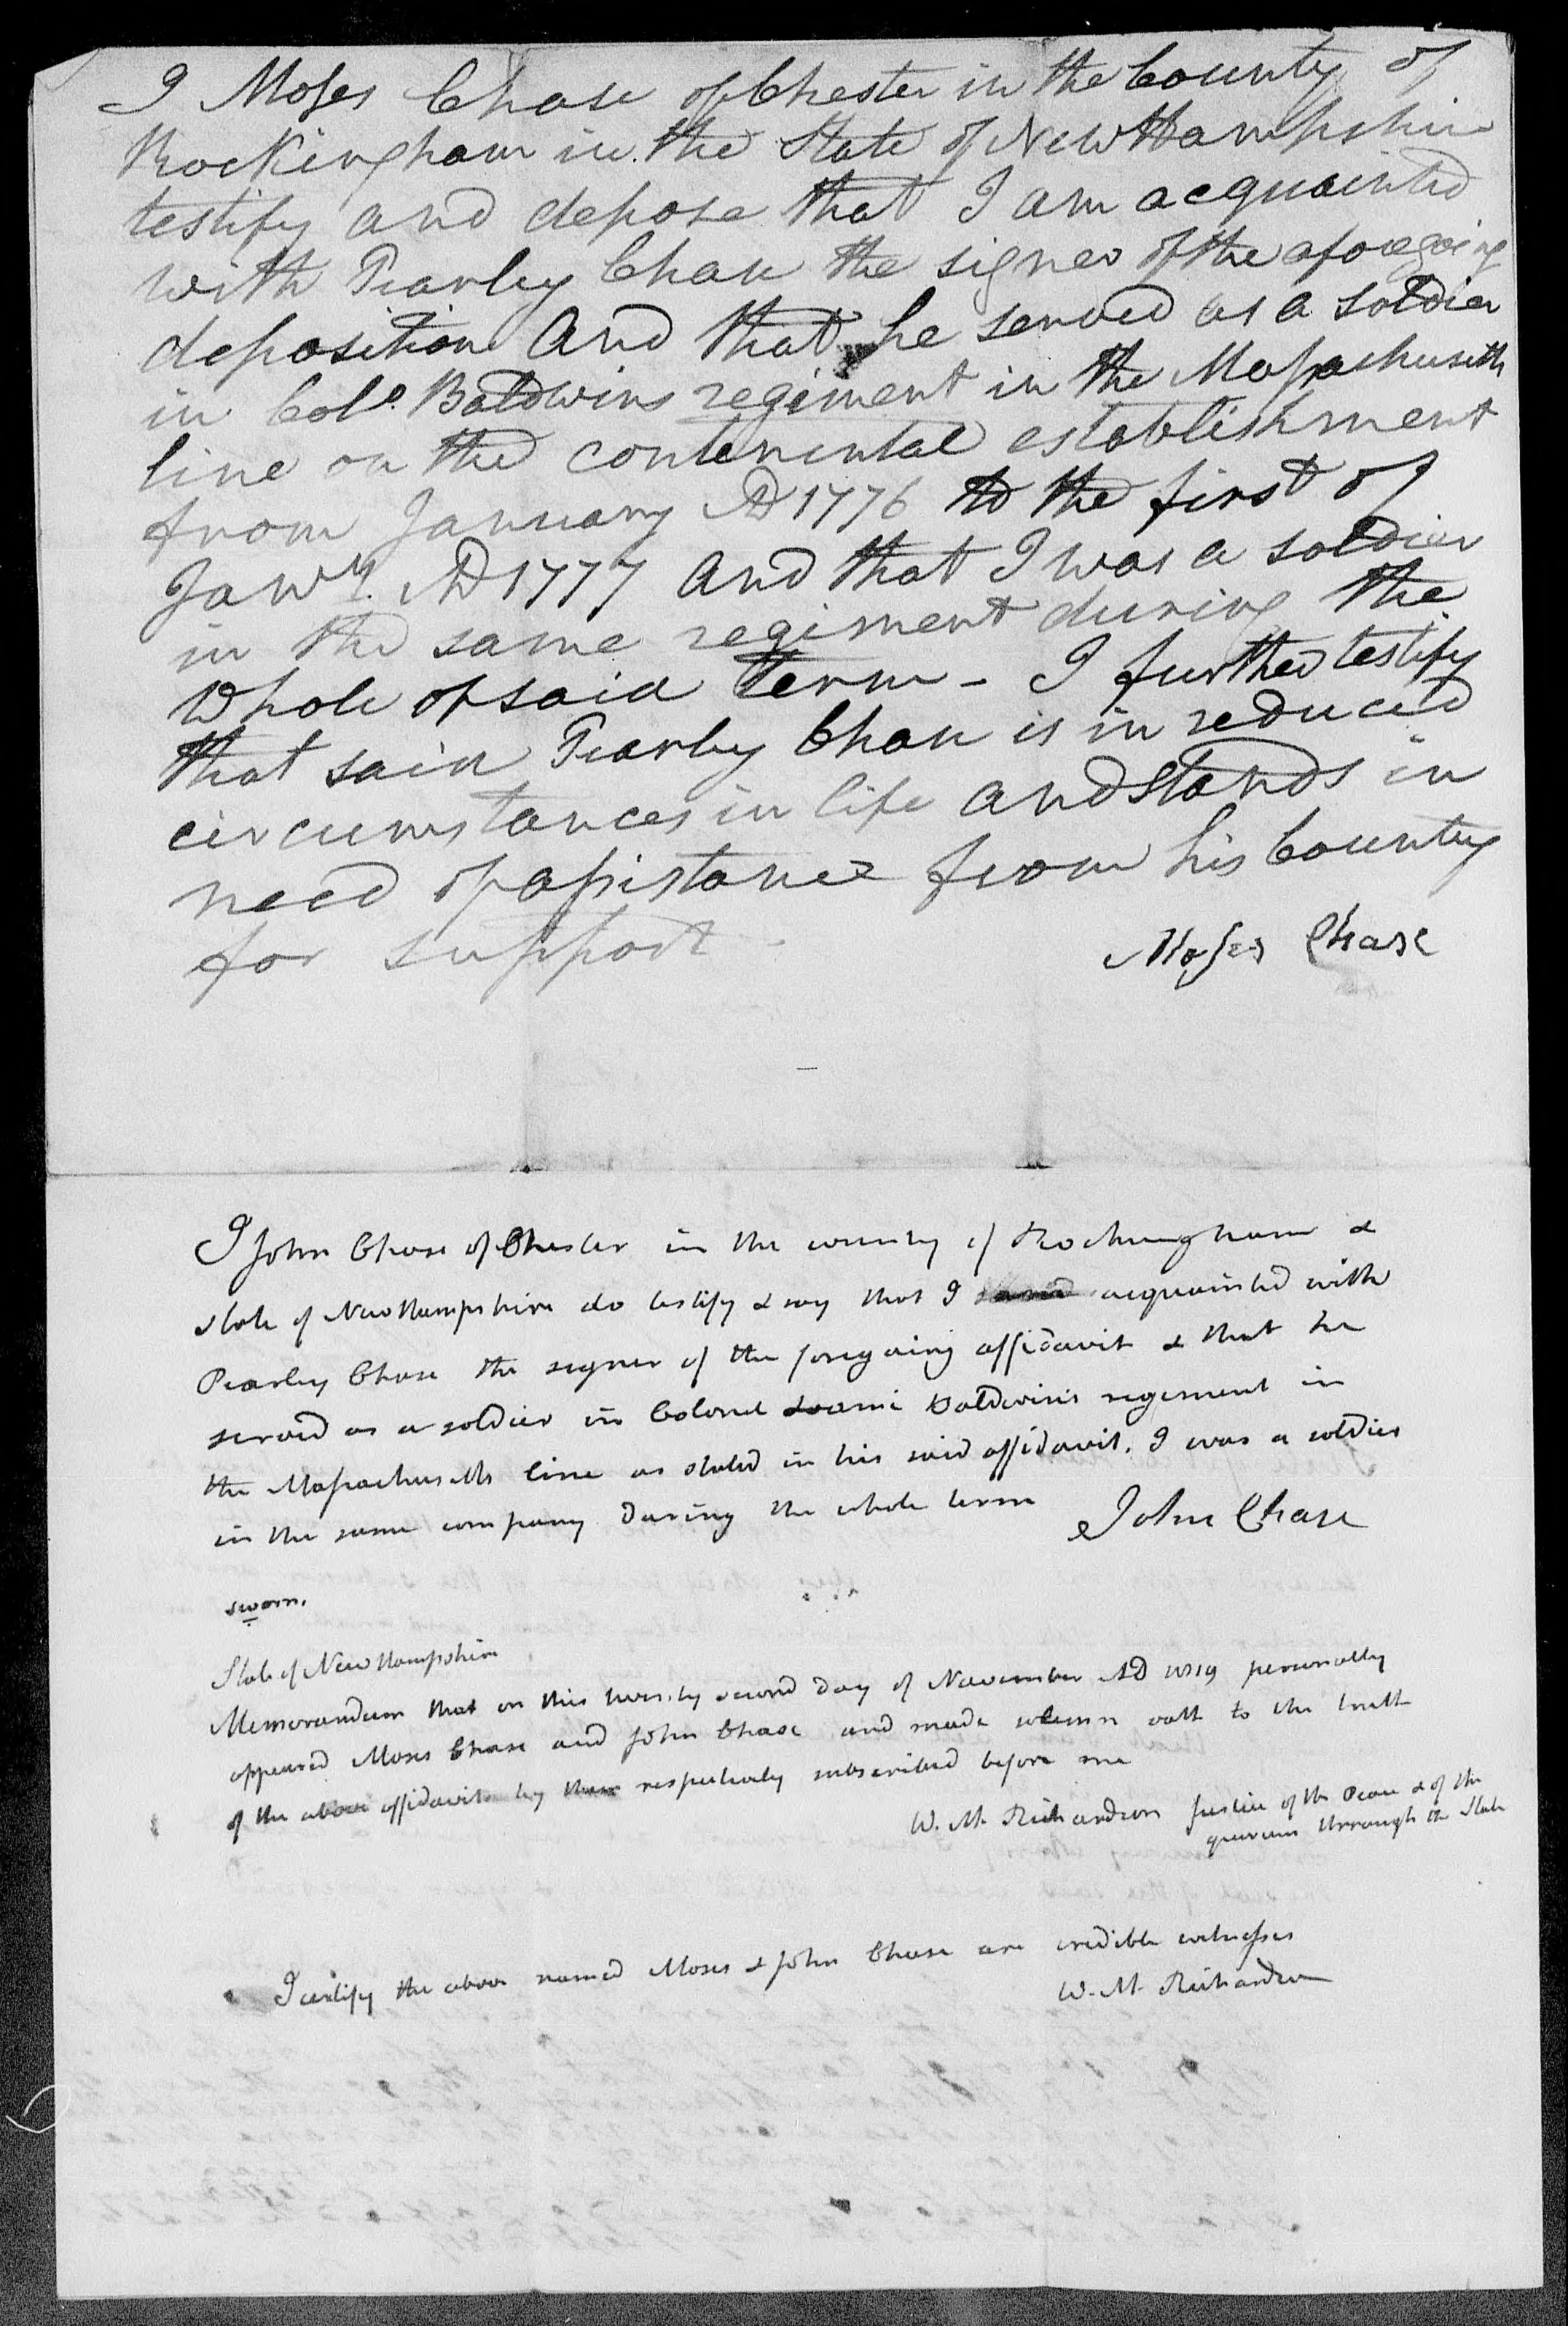I Moses Chase of Chester in the County of
Rockingham in the State of New Hampshire
testify and depose that I am acquainted with
Pearley Chase the signer of the aforegoing 
deposition and that he served as a soldier
in Col Baldwins regiment in the Massachusetts
line on the continental establishment
from January AD 1776 to the first of
Jany AD 1777, and that I was a soldier
in the same regiment during the
whole of said term - I further testify
that said Pearley Chase is in reduced
circumstances in life and stands in
need of assistance from his Country
for support.
Moses Chase

I John Chase of Chester in the County of Rockingham &
State of New Hampshire do testify & say that I am acquainted with
Pearley Chase the signer of the foregoing affidavit & that he
served as a soldier in Colonel Louami Baldwin's regiment in
the Massachusetts line as stated in his said affidavit. I was a soldier
in the same company during the whole term.
John Chase
Sworn

State of New Hampshire
Memorandum that on this twenty second day of November 1819 personally appeared Moses Chase and John Chase and made solemn oath to the truth of the above affidavit by them respectively subscribed before me.
W. M. Richardson Justice of the Peace & of the
quorum through the State

I certify the above named Moses & John Chase are
credible witnesses.
W. M. Richardson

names: Moses Chase, W M Richardson, John Chase, Moses Chase, W M Richardson, Pearley Chase, John Chase, Moses Chase, Pearley Chase, John Chase, John Chase, Pearley Chase, Moses Chase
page: 22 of 24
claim: survivor's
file: S. 17879, Perley Chase, Continental Mass.